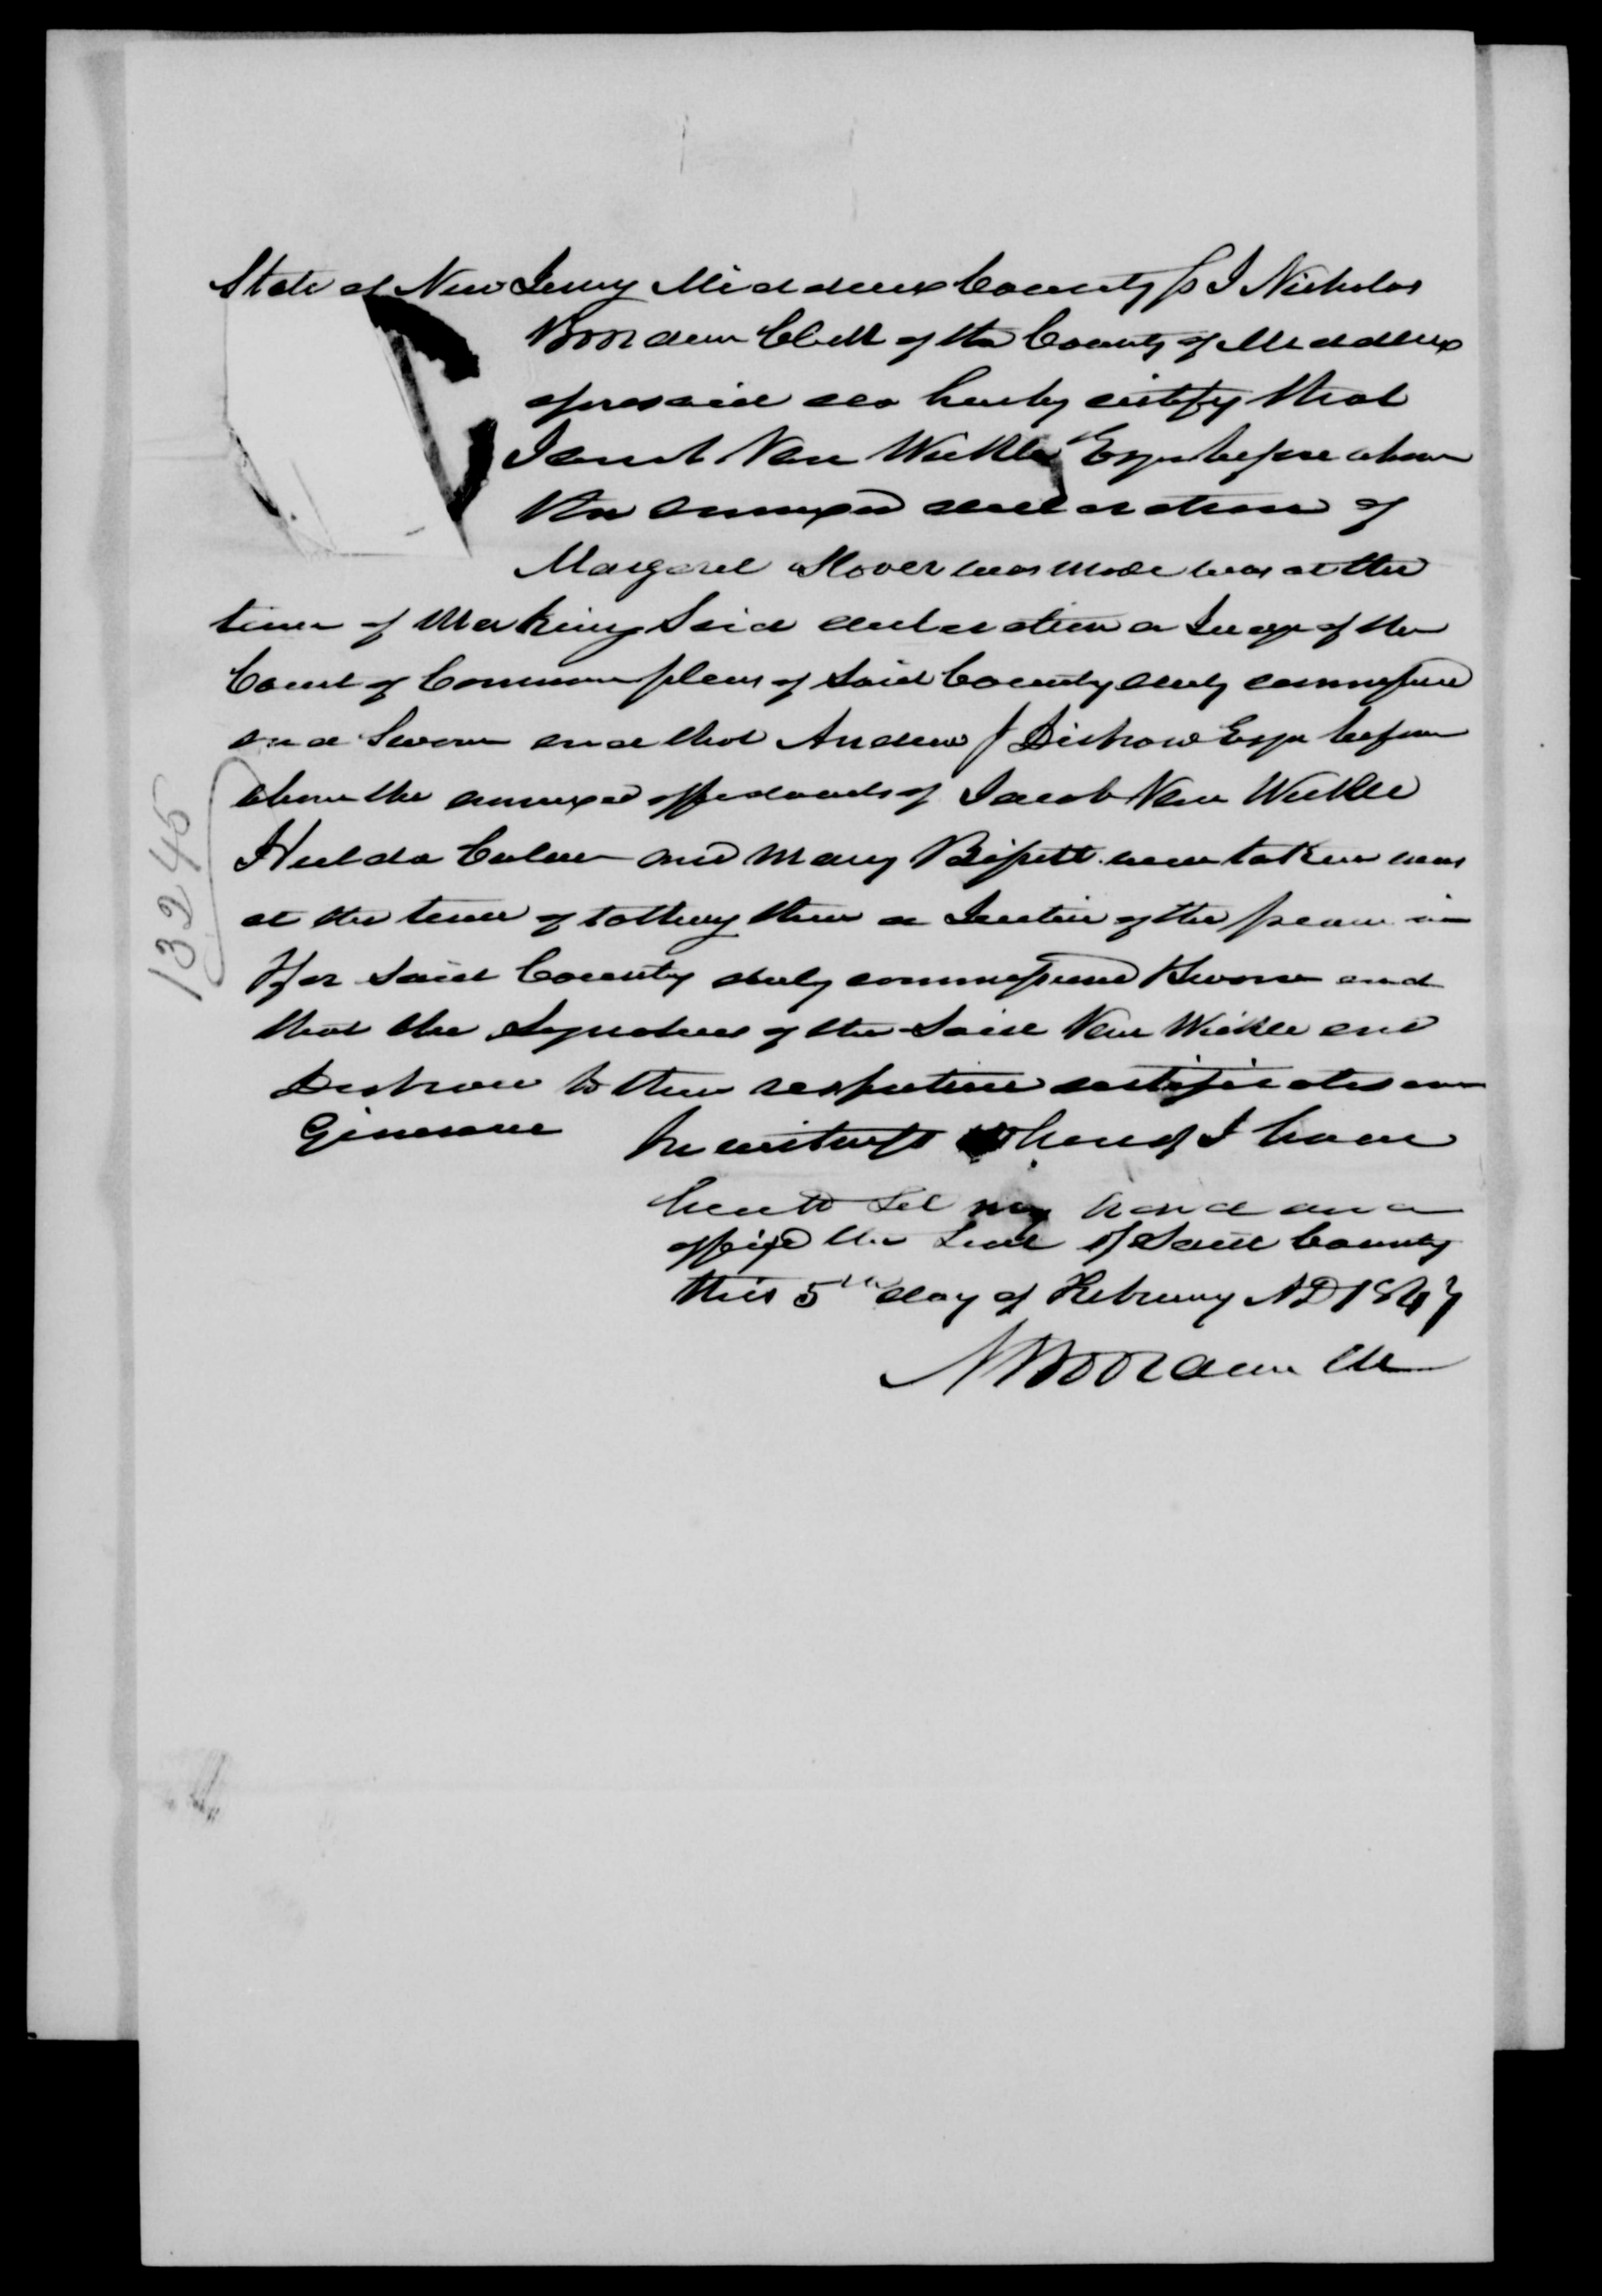13245

State of New Jersey
Middlesex County//

I, Nicholas Booraem, Clerk of the County of Middlesex aforesaid, do hereby certify that Jacob Van Winkle, Esq., before whom the annexed declaration of Margaret Slover was made, was at the time of the making said declaration a Judge of the Court of Common Please of said County duly commissioned and sworn and that Andrew Disbrow, Esq., before whom the annexed affidavits of Jacob Van Winkle, Hilda Culver and Mary Bissett were taken, was at the time of taking them a Justice of the Peace in & for said County duly commissioned & sworn and that the signatures of the said [Jacob] Van Winkle and [Andrew] Disbrow to those respective certificates are genuine.

In witness whereof I have hereunto set my Hand and affixed the Seal of said County this 5th day of February A.D. 1847.
s/ N. Booraem, Clerk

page: 14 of 46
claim: widow's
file: W. 6205, for John Slover, New Jersey